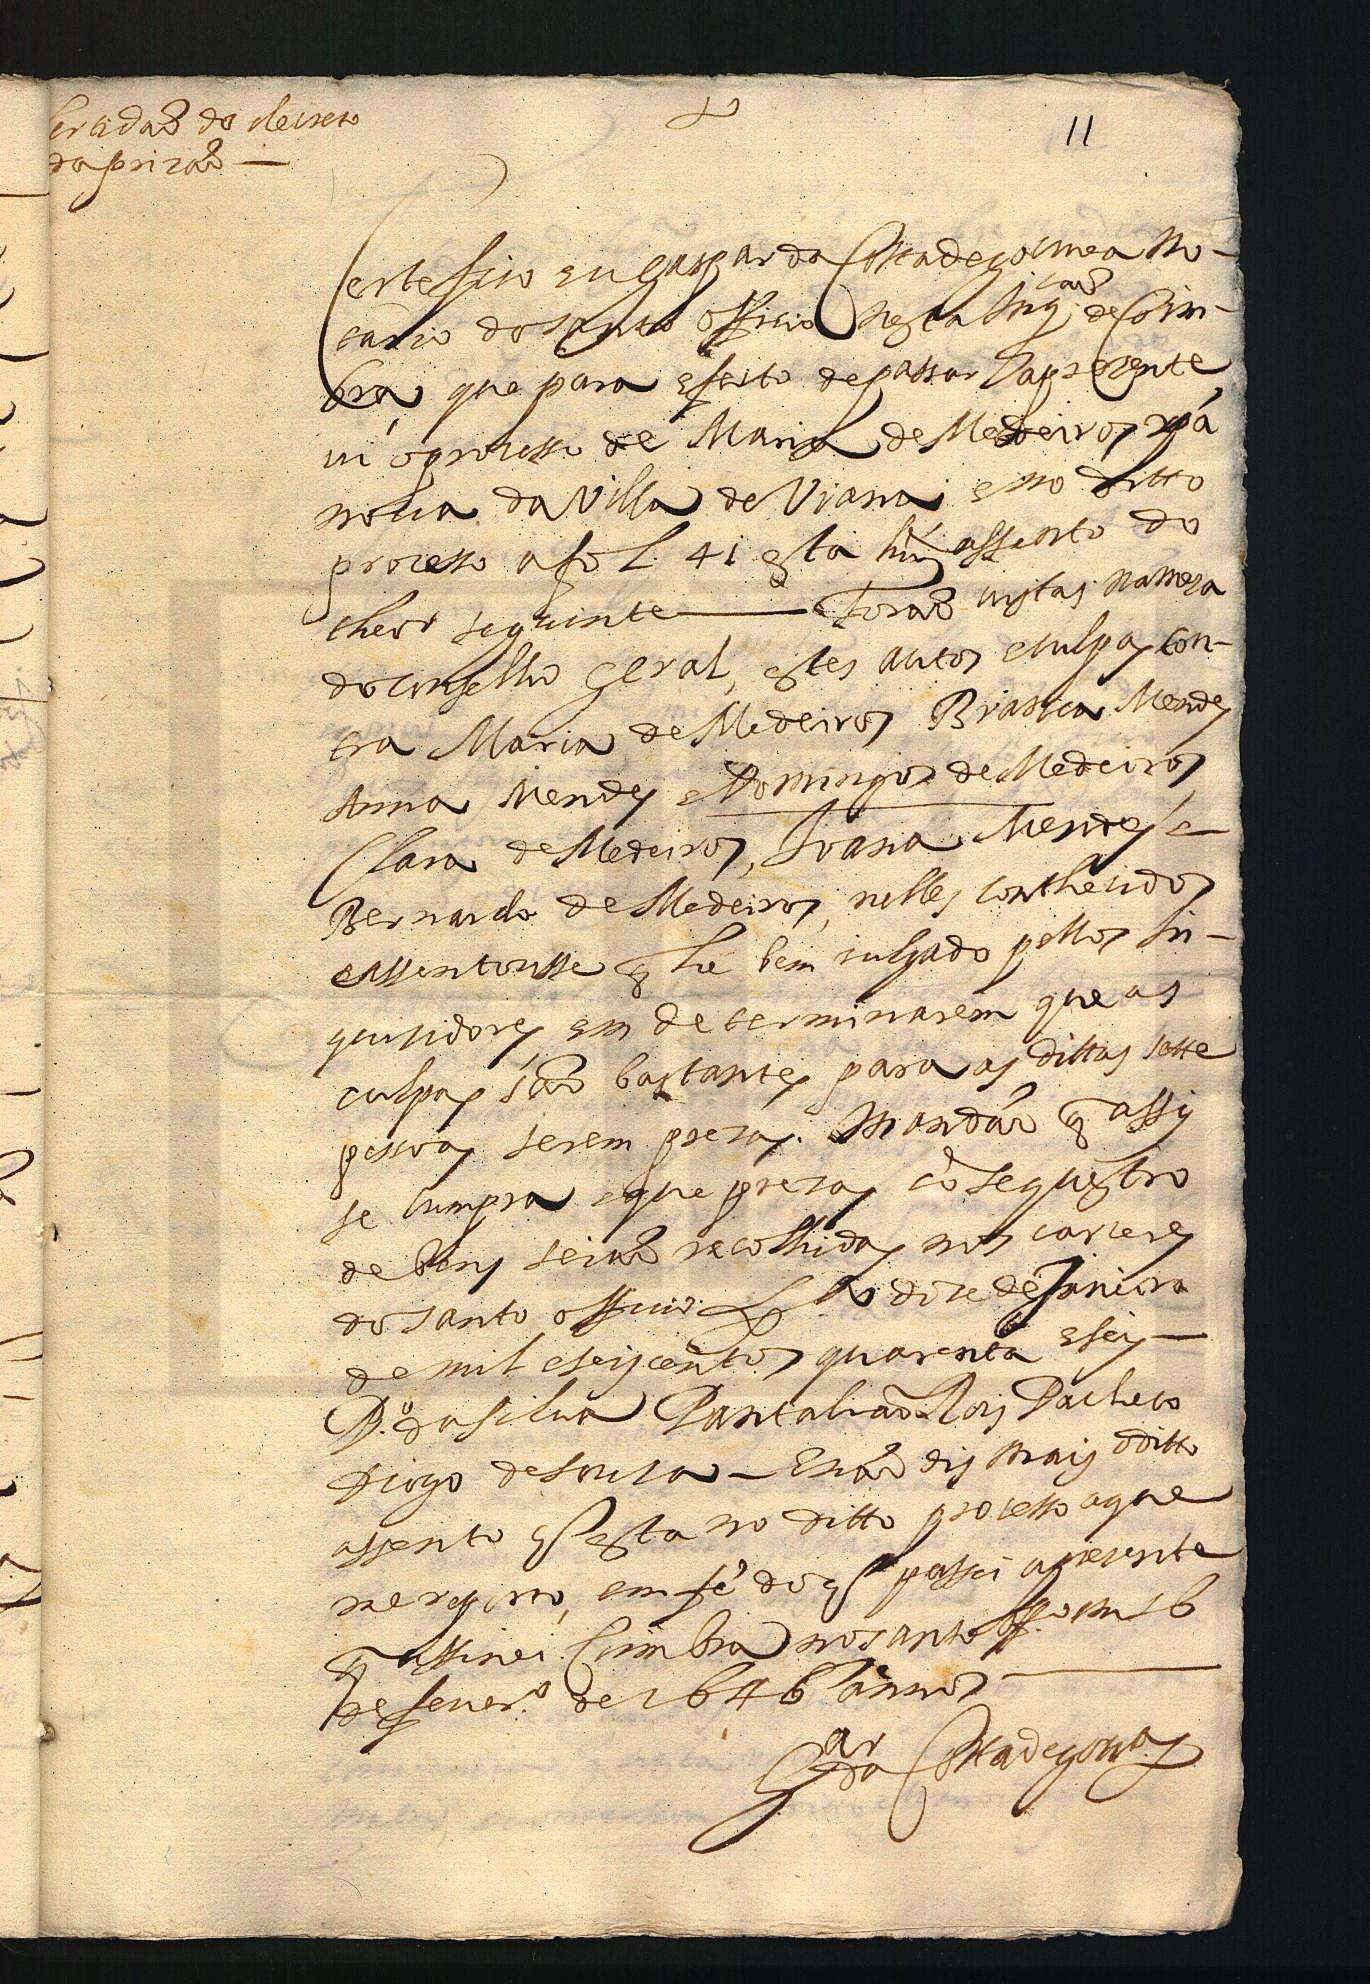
Certidaõ do decreto
da prizaõ
Certefico Eu Gaspar da Costa de Gouuea No
tario do santo officio nesta Inq.caõ de Coim
bra, que para Efeito de passar a prezente
ui o processo de Maria de Medeiros xpā
noua da villa de Viana e no ditto
processo a foL. 41 esta hū assento do
theor seguinte Foraõ uistas na meza
do conselho GeraL, estes autos E culpas con
tra Maria de Medeiros Branca Mendes
Anna Mendes E Domingos de Medeiros,
Clara de Medeiros, Joana Mendes e
Bernardo de Medeiros, nelles contheudos
e assentousse q̄ he bem iulgado pellos In
quizidores, Em determinarem que as
culpas saõ bastantes para as dittas sette
pessoas serem prezas. mandaõ q̄ assy
se cumpra E que prezas cō sequestro
de bens seiaõ recolhidas nos carceres
do santo officio Lx.a doze de Janeiro
de miL e seiscentos quarenta E seis
P.o da Silua Pantaliaõ Rois Pacheco
Diogo de souza - E naõ dis mais o ditto
assento q̄ esta no ditto processo a que
me reporto, em fé do q̄ passei a prezente
q̄ assinei Coimbra no santo off.o em 16
de feuer.o de 1646 annos
